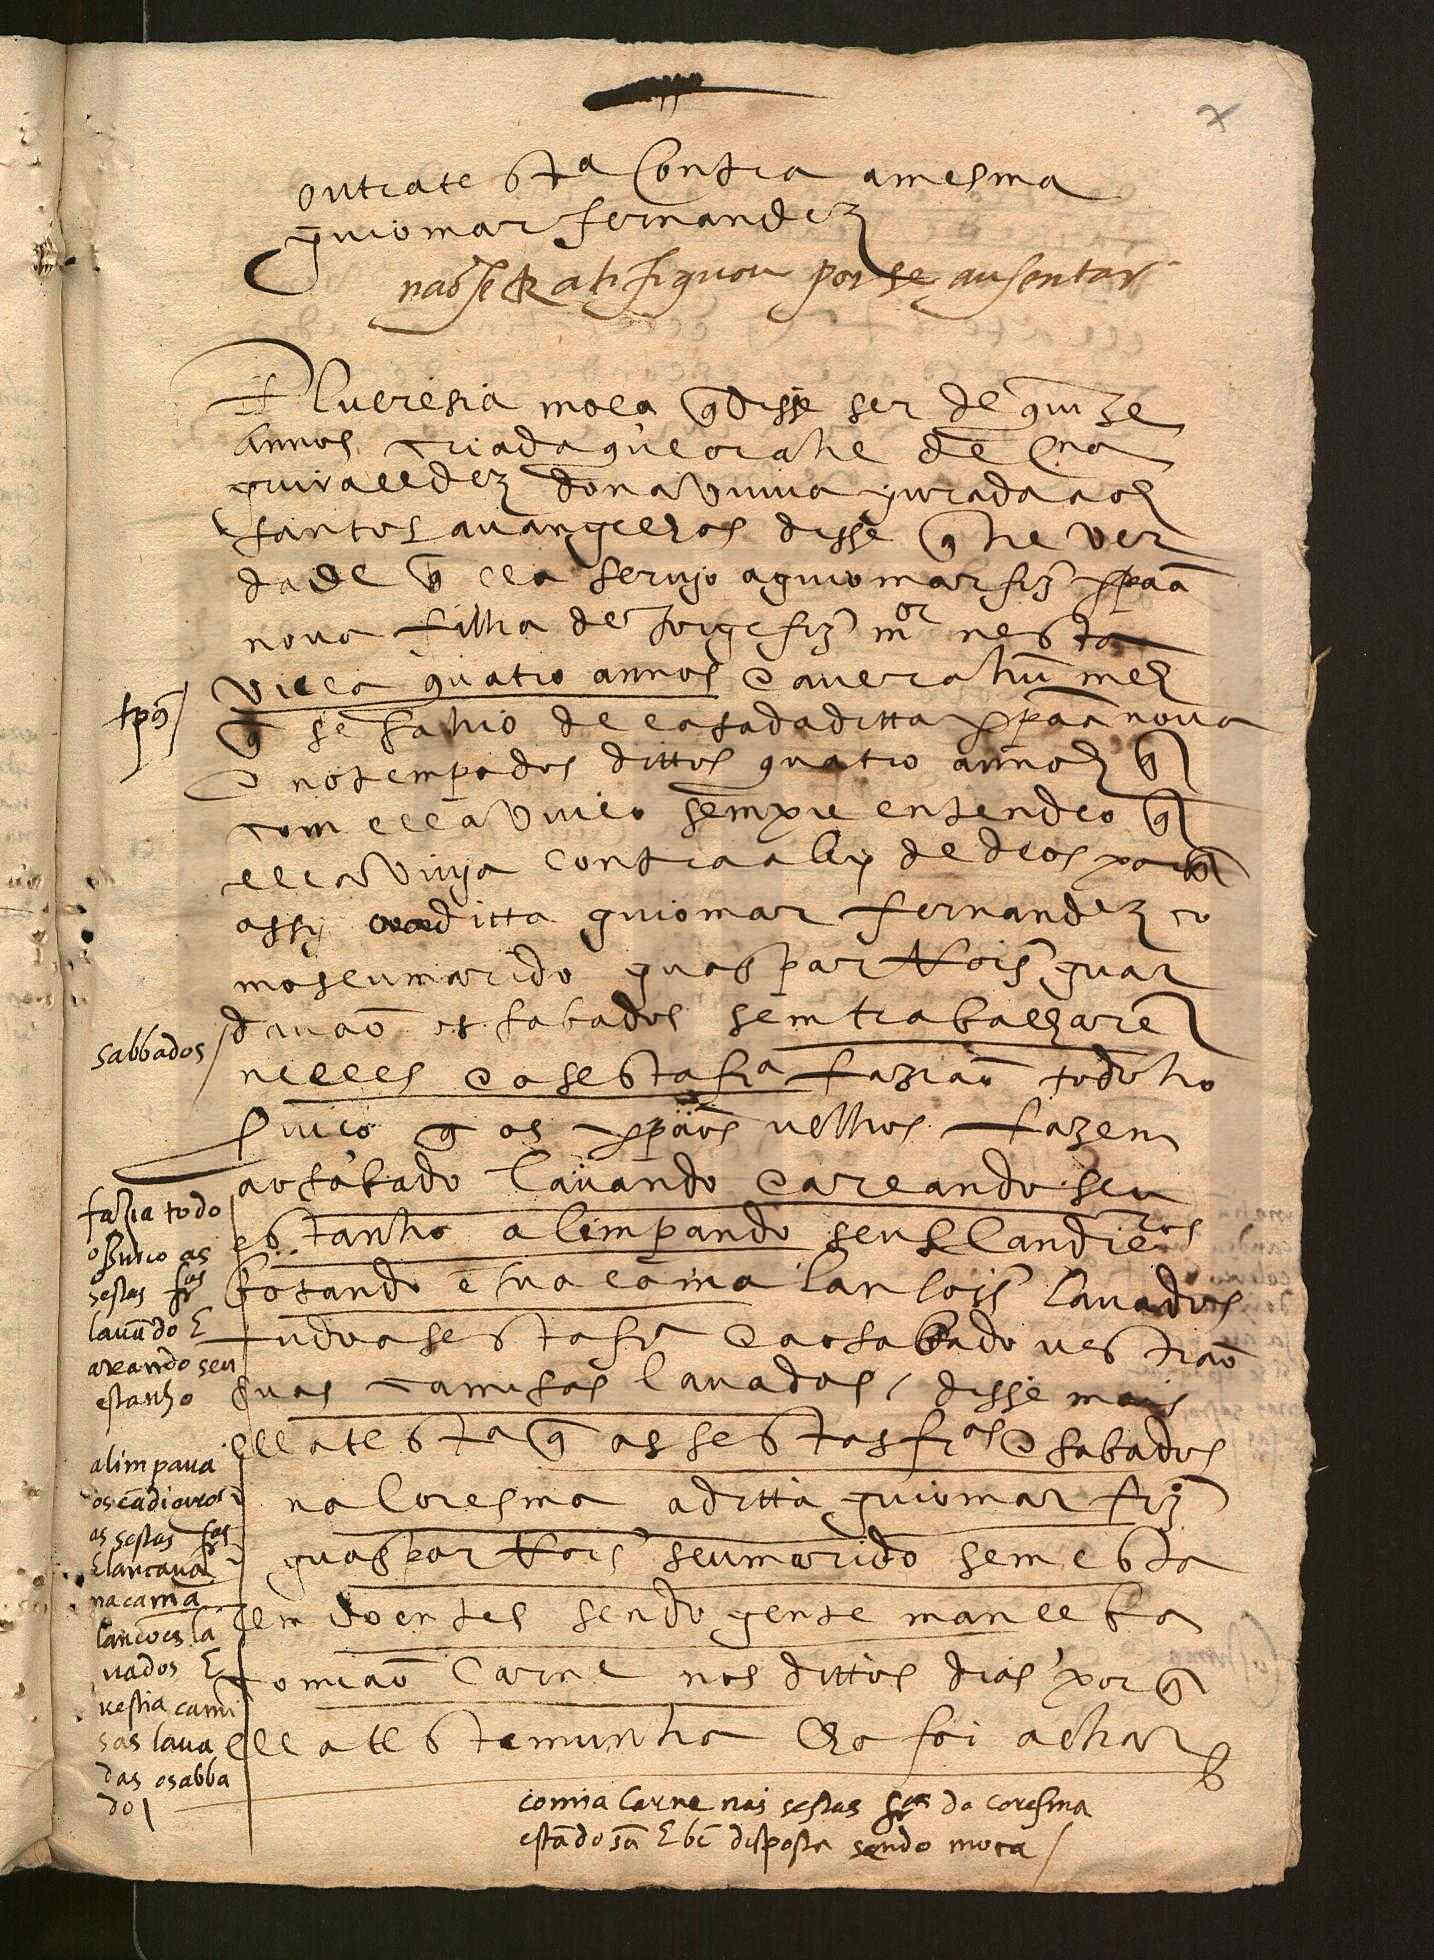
tpꝯ̄
sabbados
fazia todo
o ꞩuiço as
sestas fras
lauādo E
areando seu
estanho
alimpaua
os cādieiros
as sestas fras
E lançaua
na cama
lançoes la
uados E
uestia cami
sas laua
das o sabba
do
outra testa Contra a mesma
Guiomar fernandez
naõ se Ratifiquou por se ausentar
P Lucresia moça q̄ disse ser de quīze
annos criada que ora he de Cna
guiralldez dona viuua yurada aos
santos auangelhos disse q̄ he ver
dade q̄ ela serujo a guiomar frz̄ xpāa
noua filha de Jorge frz̄ mor nesta
villa quatro annos e auera hū mes
q̄ se sahio de casa da ditta xpāa noua
e no tempo dos dittos quatro annos q̄
com ella viueo sempre entendeo q̄
ella viuja contra a ley de deos porq̄
assy aa ditta guiomar fernandez co
mo seu marido guaspar Rois̄ guar
dauão os sabados sem trabalharē
nelles e a sesta fra fazião todo ho
ꞩuiço q̄ os xpãos uelhos fazem
ao sabado lauando e areando seu
estanho alimpando seus Candieros
botando ē sua cama lançois̄ lauados
tudo a sesta fra E ao sabado uestião
suas camisas lauadas / disse mais
ella testa q̄ as sestas fras E sabados
na Coresma a ditta guiomar frz̄
guaspar Rois̄ seu marido sem esta
rem doentes sendo gente manceba
comião carne nos dittos dias porq̄
ella testemunha lha foi achar
comia Carne nas sestas fras da coresma
estādo sā E bē desposta sendo moça /
